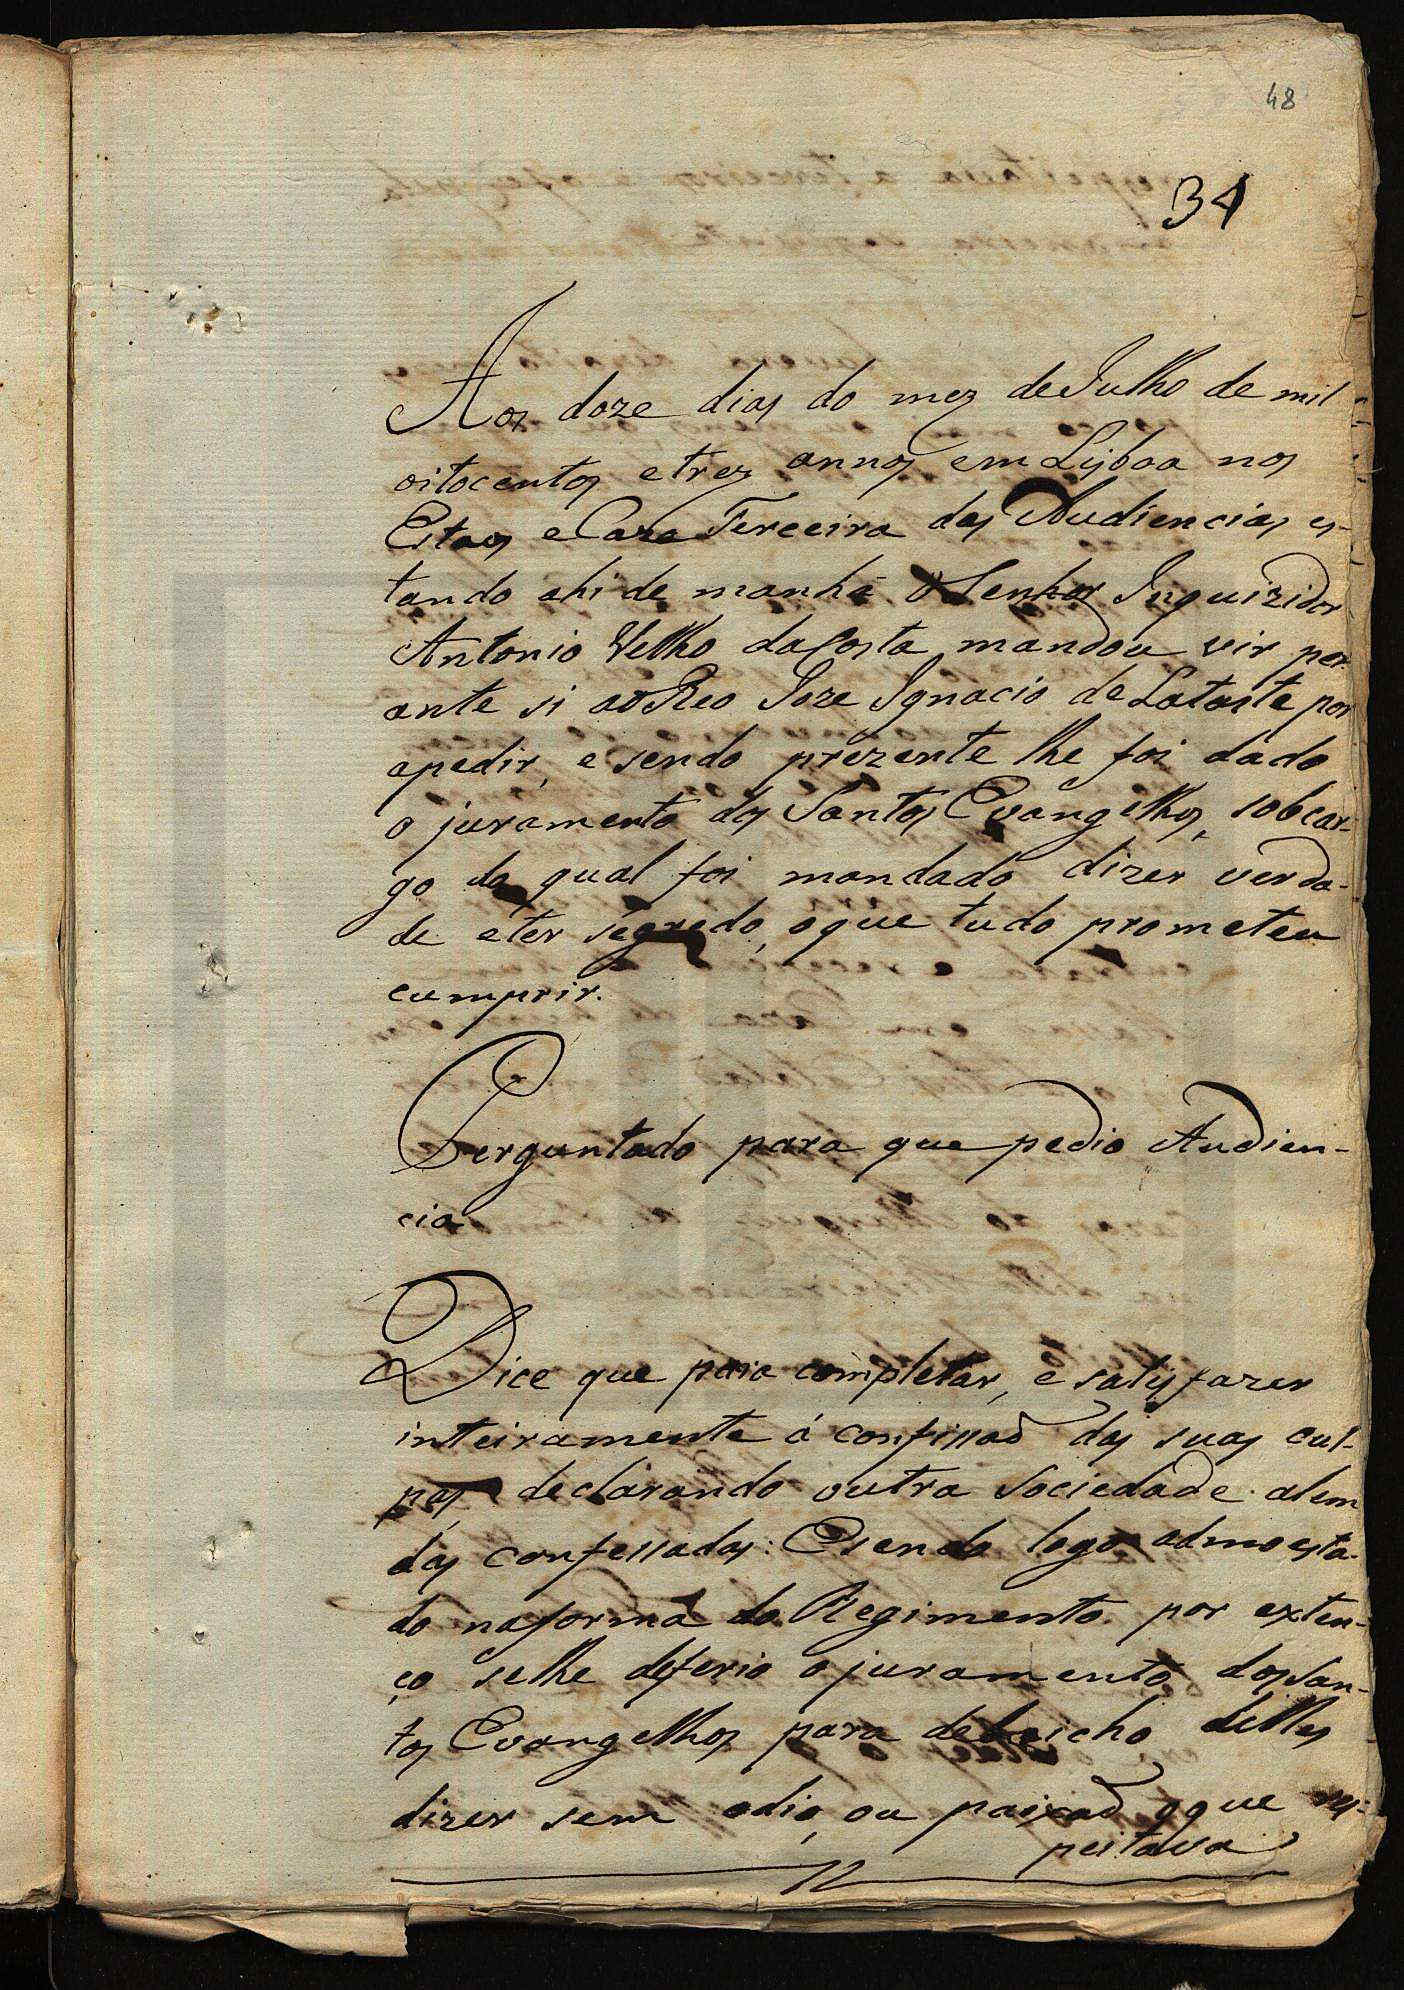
Aos doze dias do mez de Julho de mil
oitocentos e trez annos em Lisboas nos
Estaos e Caza Terceira das Audiencias es
tando ahi de manhã o Senhor Inquizidor
Antonio Velho da Costa mandou vir per
ante si ao Reo Joze Ignacio de Lataste por
apedir, e sendo prezente lhe foi dado
o juramento dos Santos Evangelhos, sob car
go do qual foi mandado dizer verda
de e ter segredo, o que tudo prometeu
cumprir.
Perguntado para que pedio Audien
cia
Dice que pera completar, e satisfazer
inteiramente á confissaõ das suas cul
pas, declarando outra sociedade alem
das confessadas: E sendo logo admoesta
do na forma do Regimento por exten
ço se lhe deferio o juramento dos san
tos Evangelhos para debaicho dellas
dizer sem odio, ou paixaõ o que res
peitava
